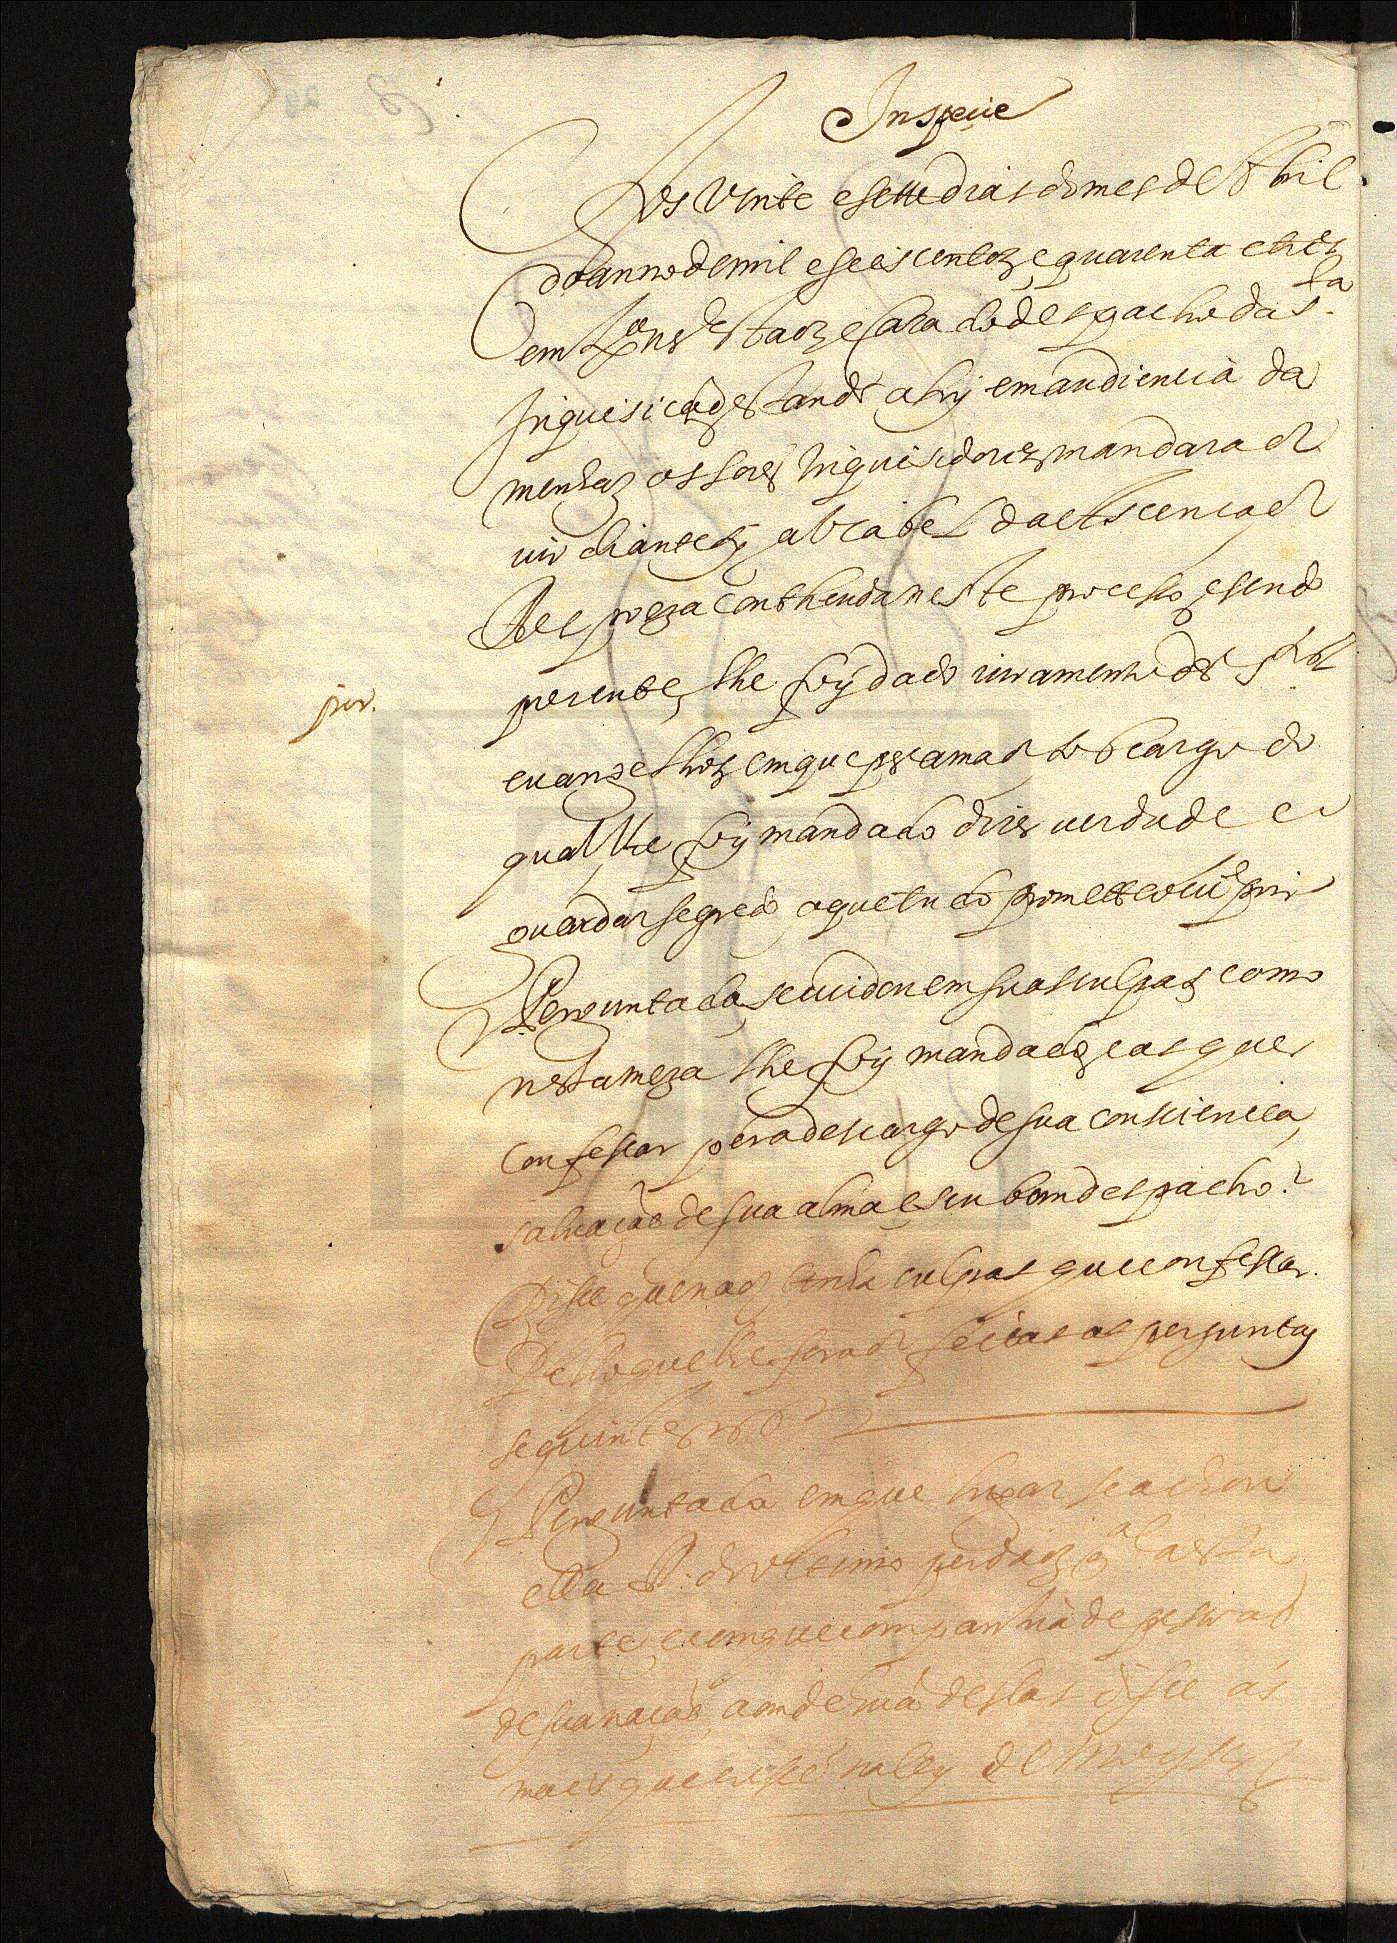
In specie
Aos vinte e sette dias do mes de Abril
do anno de mil e seiscentos e quarenta e tres
em Lxa nos Estaoz e Caza do despacho da s.ta
Jnquisiçaõ estando ahy em audiencia da
menhã os sores Inquisidores mandaraõ
uir diante sy a Izabel da Ascençaõ
Ree preza contheuda neste processo e sendo
prezente, lhe foy dado iuramento dos stos
jur.
euangelhos em que pos a maõ sob cargo do
qual lhe foy mandado dizer uerdade e
guardar segredo o que tudo prometteo cūprir
Perguntada se cuidou em suas culpas como
nesta meza lhe foy mandado e as quer
confessar pera descargo de sua consciencia,
saluaçaõ de sua alma e seu bom despacho?
Disse que naõ tinha culpas que confessar
Pello que lhe foraõ feitas as perguntas
seguintes
E Perguntada em que lugar se achou
ella R. do vltimo perdaõ gal a esta
parte, e com que companhia de pessoas
de sua naçaõ aomde huā dellas disse ás
mais que cressē na ley de Moyses
